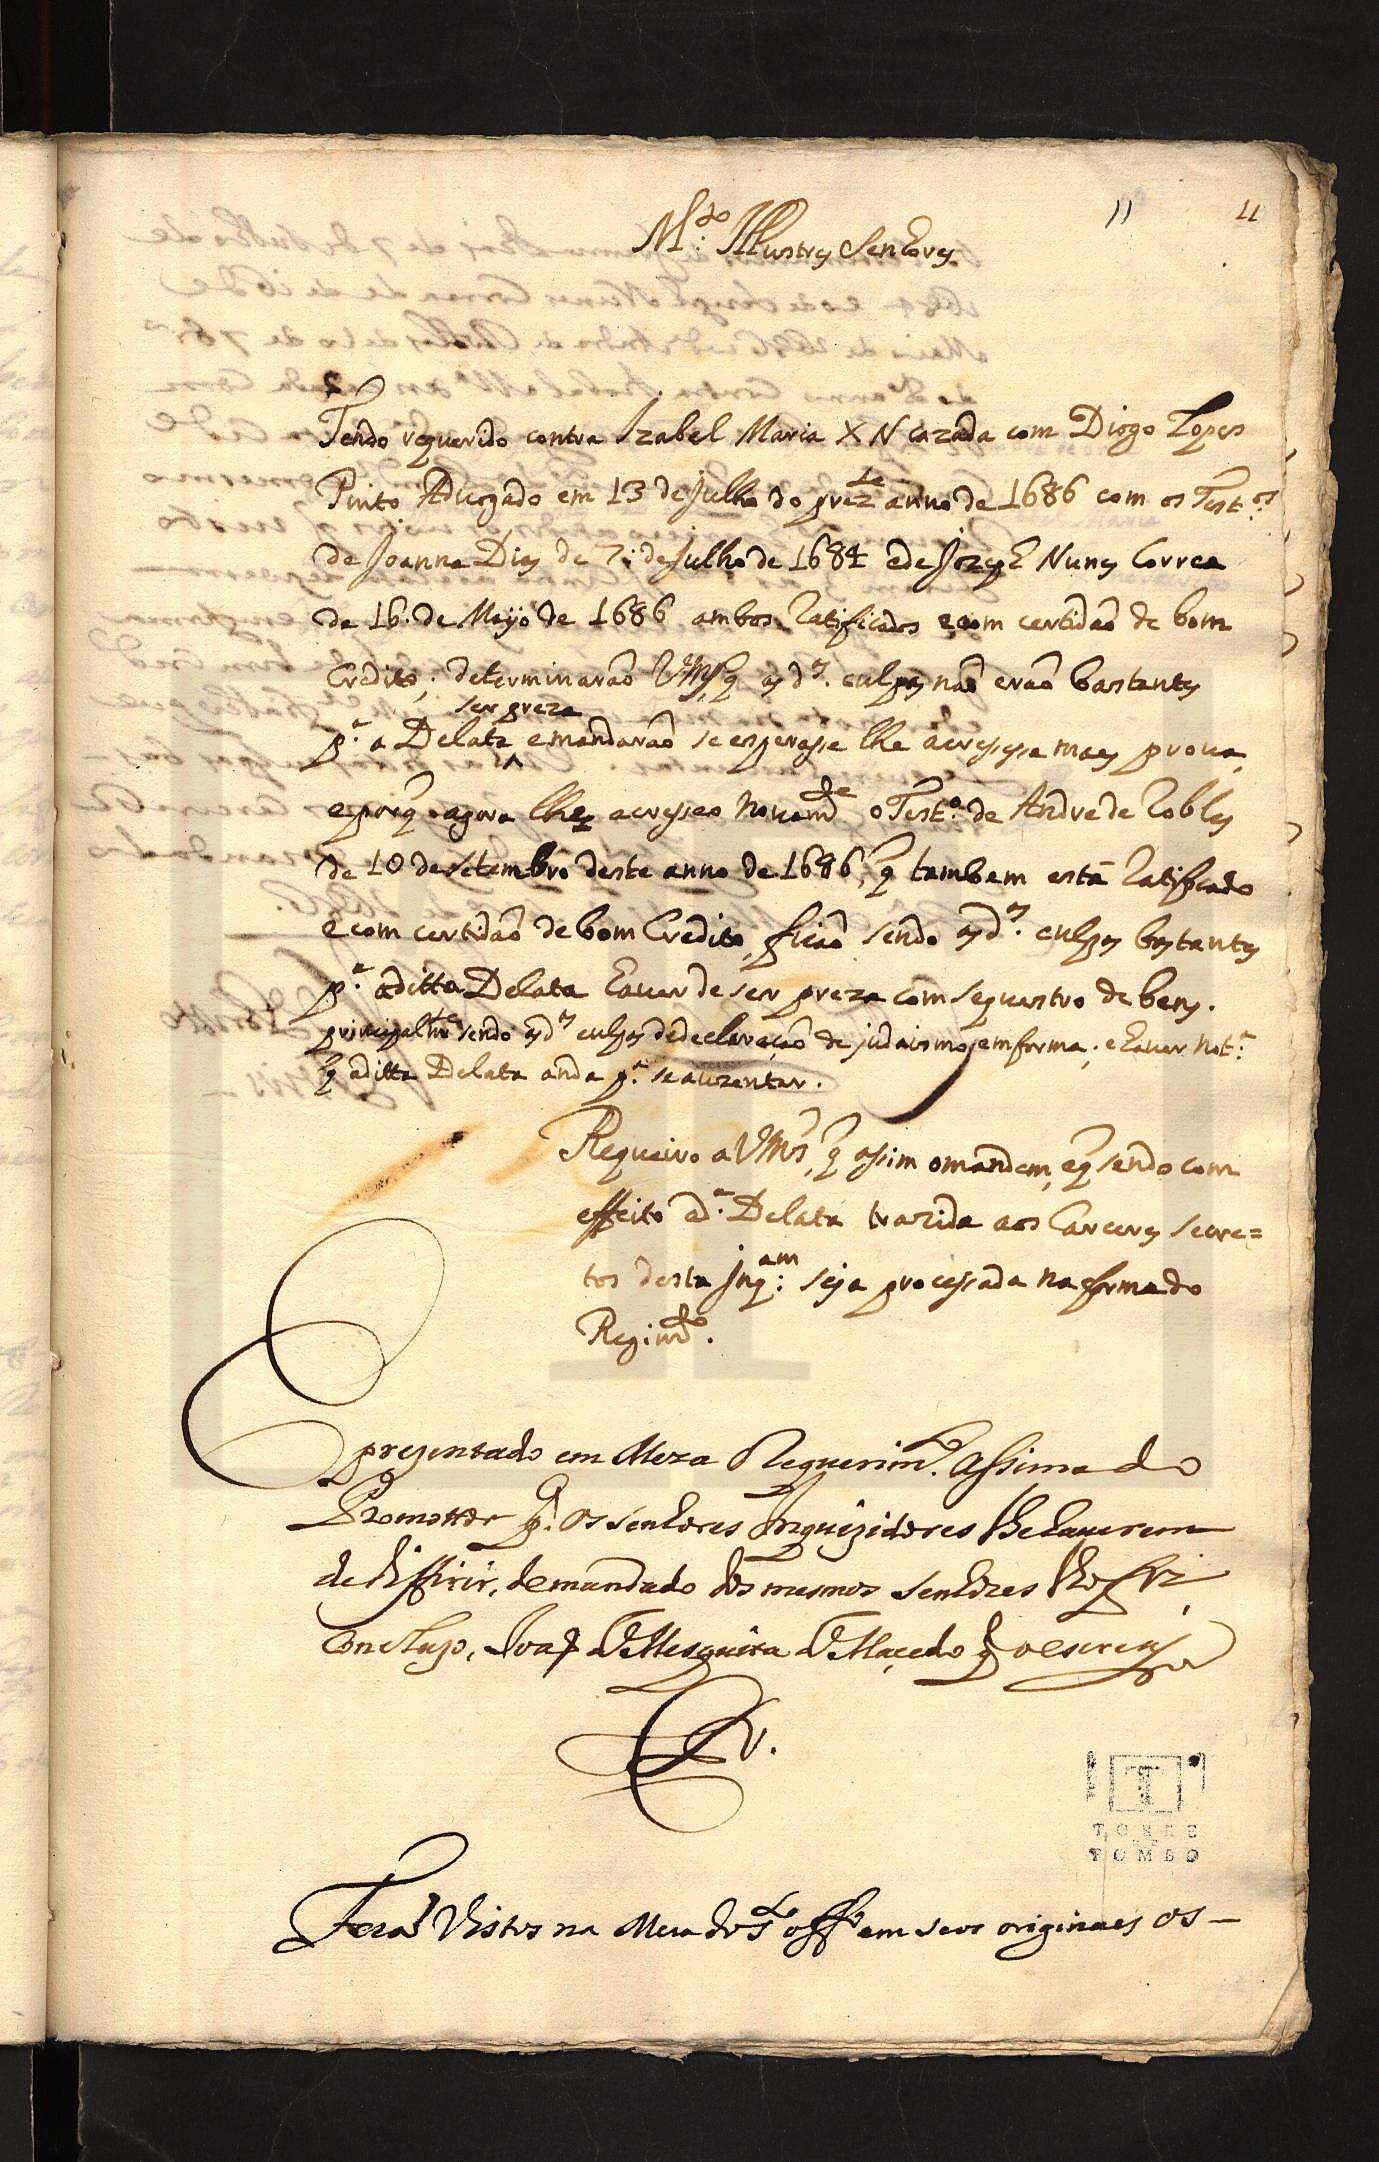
M.to Illustres Senhores
Tendo requerido contra Izabel Maria X N cazada com Diogo Lopes
Pinto Aduogado em 13 de julho do prezte anno de 1686 com os Test.os
de Joanna Dias de 7: de julho de 1684 e de Jozeph Nunes Correa
de 16. de Mayo de 1686 ambos ratificados e com certidaõ de bom
credito; determinaraõ V Ms, q̄ as d.as culpas naõ eraõ bastantes
p.a a Delata
ser preza
e mandaraõ se esperasse lhe acressesse maes proua,
e porq̄ agora lhes acresseo nouamte o Test.o de Andre de Robles
de 10 de setembro deste anno de 1686, q̄ tambem está Ratificado
e com certidaõ de bom Credito, ficaõ sendo as das. culpas bastantes
p.a a ditta Delata hauer de ser preza com sequestro de bens.
principalmte sendo as das culpas de declaraçaõ de judaismo em forma; e hauer not.a
q̄ a ditta Delata anda p.a se auzentar.
Requeiro a V Ms̄, q̄ assim o mandem, e q̄ sendo com
effeito a d.a Delata trazida aos Carceres secre
tos desta jnq:am seja processada na forma do
Regimto.
E preguntado em Meza o Requerim.to assima do
Promottor p.a os senhores Inquizidores lhe hauerem
de diffirir, de mandado dos mesmos Senhores lho fiz
concluzo, Ioaõ de Mesquita de Maçedo q̄ o escreuj
CLo.
Foraõ Vistos na Mesa do sto offo em seos originaes os
